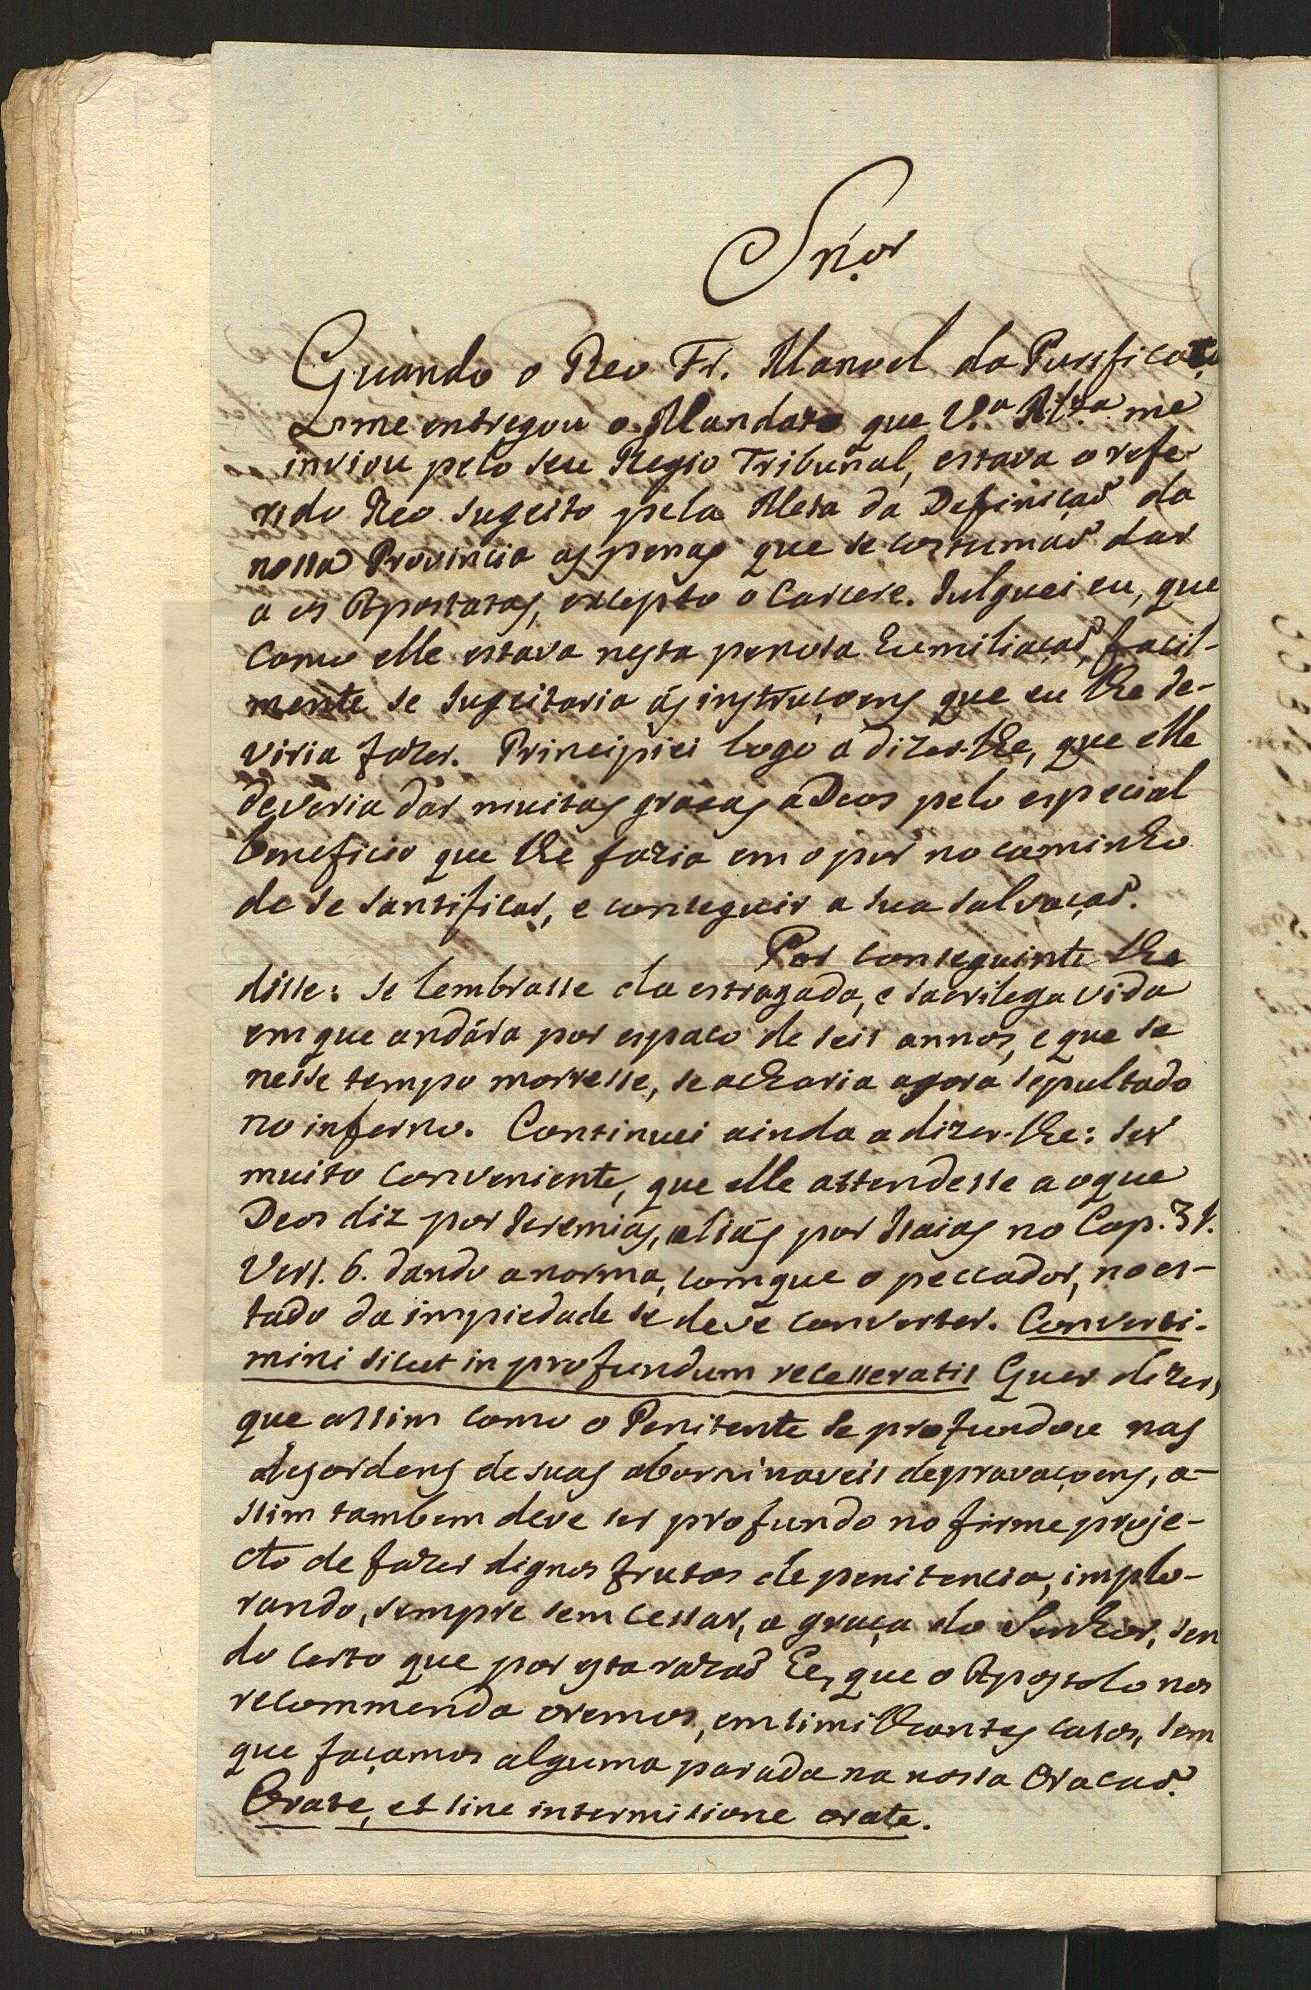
Sn̄.or
Quando o Reo Fr. Manoel da Purificaça
me entregou o Mandato que V.a Al.ta me
inviou pelo seu Regio Tribunal, estava o refe
rido Reo sugeito pela Mesa da Definiçaõ da
nossa Provincia as penas que se costumaõ dar
aos Apostatas, excepto o carcere. Iulguei eu, que
como elle estava nesta penosa humiliaçaõ, facil
mente se sugeitaria ás instruçoens que eu lhe de
viria fazer. Principiei logo a dizer-lhe, que elle
deveria dar muitas graças a Deos pelo especial
beneficio que lhe fazia em o por no caminho
de se santificar, e conseguir a sua salvaçaõ.
Por conseguinte lhe
disse: se lembrasse da estragada, e sacrilega vida
em que andára por espaço de seis annos, e que se
nesse tempo morresse, se acharia agora sepultado
no inferno. Continuei ainda a dizer-lhe: ser
muito conveniente, que elle attendesse ao que
Deos diz por Ieremias, aliás por Isaias no Cap. 31.
Vers. 6. dando a norma, com que o peccador, no es
tado da impiedade se deve converter. Converti
mini sicut in profundum recesseratis Quer dizer,
que assim como o Penitente se profundou nas
desordens de suas abominaveis depravaçoens, a
ssim tambem deve ser profundo no firme proje
cto de fazer dignos frutos de penitencia, implo
rando, sempre sem cessar, a graça do Senhor, sen
do certo que por esta razaõ he que o Apostolo nos
recommenda oremos, em similhantes casos, sem
que façamos alguma parada na nossa Oraçaõ.
Orate, et sine intermisione orate.
